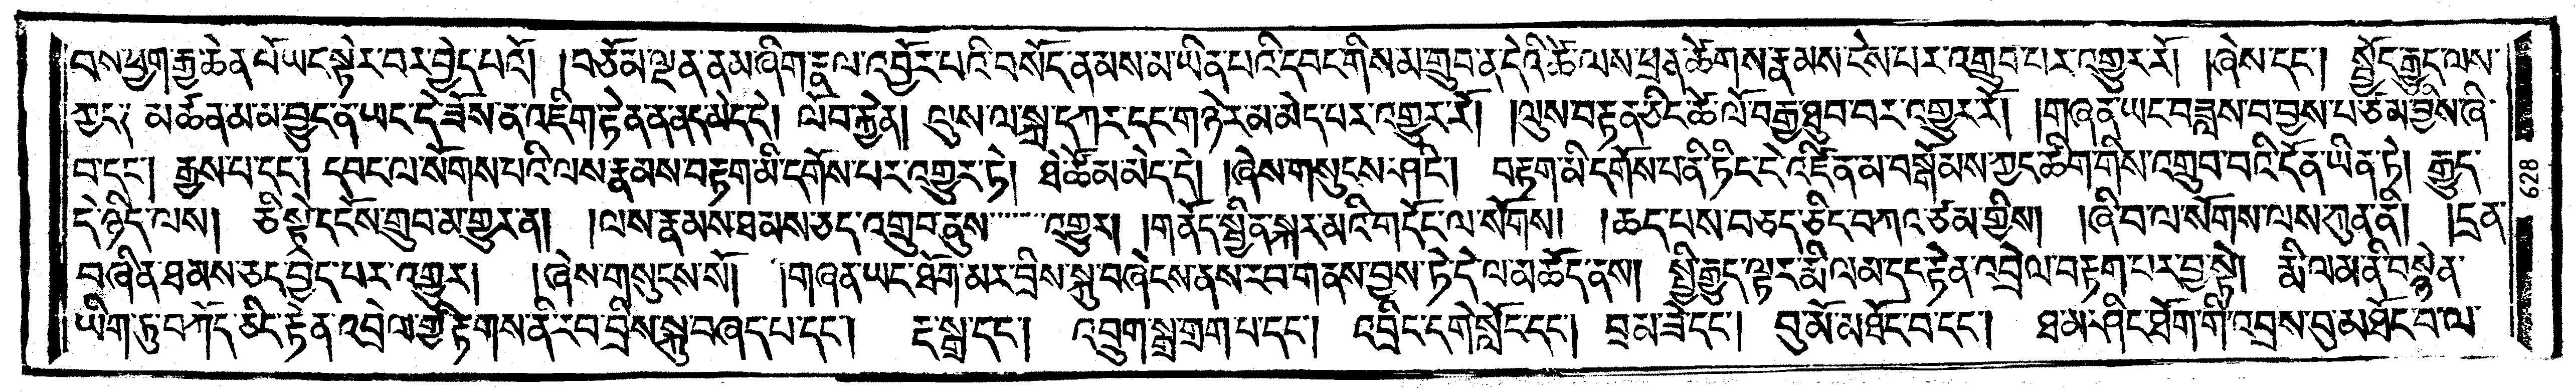བས་ཕྱག་རྒྱ་ཆེན་པོ་ཡང་སྟེར་བར་བྱེད་པའོ། །བཅོམ་ལྡན་ནམ་ཞིག་རྣལ་འབྱོར་པའི་བསོད་ནམས་མ་ཡིན་པའི་དབང་གིས་མ་གྲུབ་ན་དེའི་ཚེ་ལས་ཕྲན་ཚེགས་རྣམས་ངེས་པར་འགྲུབ་པར་འགྱུར་རོ། །ཞེས་དང་། སྦྱོང་རྒྱུད་ལས་
ཀྱང༑ མཚན་མ་མ་བྱུང་ན་ཡང་དེ་ཟོས་ན་འཇིག་རྟེན་ན་ནད་མེད་དེ། ལོབ་རྐྱེན། ལུས་ལ་སྐྲ་དཀར་དང་གཉེར་མ་མེད་པར་འགྱུར་རོ། །ལུས་བརྟན་ཅིང་ཚེ་ལོ་བརྒྱ་ཐུབ་པར་འགྱུར་རོ། །གཞན་ཡང་བཟླས་བ་བྱས་པ་ཙམ་བྱིས་ཞི་
བ་དང་། རྒྱས་པ་དང་། དབང་ལ་སོགས་པའི་ལས་རྣམས་བརྟག་མི་དགོས་པར་འགྱུར་ཏེ། ཐེ་ཚོམ་མེད་དེ། །ཞེས་གསུངས་ཤིང་། བརྟག་མི་དགོས་པ་ནི་ཏིང་ངེ་འཛིན་མ་བསྒོམས་ཀྱང་ཚིག་གིས་འགྲུབ་བའི་དོན་ཡིན་ཏེ། རྒྱུད་
དེ་ཉིད་ལས། ཅི་སྟེ་དངོས་གྲུབ་མ་གྱུར་ན། །ལས་རྣམས་ཐམས་ཅད་འགྲུབ་ནུས་འགྱུར། །གནོད་སྦྱིན་སྐར་མའི་གདོང་ལ་སོགས། །ཆད་པས་བཅད་ཅིང་བཀའ་ཙམ་གྱིས། །ཞི་བ་ལ་སོགས་ལས་ཀུན་ནི། །དྲན་
བཞིན་ཐམས་ཅད་བྱེད་པར་འགྱུར། །ཞེས་གསུངས་སོ། །གཞན་ཡང་ཐོག་མར་བྲིས་སྐུ་བཞེངས་ནས་རབ་གནས་བྱས་ཏེ་དེ་ལ་མཆོད་ནས། སྤྱི་རྒྱུད་ལྟར་རྨི་ལམ་དང་རྟེན་འབྲེལ་བརྟག་པར་བྱ་སྟེ། རྨི་ལམ་ནི་བསྙེན་
ཡིག་ཏུ་བཀོད་ཅིང་རྟེན་འབྲེལ་གྱི་རྟགས་ནི་རབ་བྲིས་སྐུ་བཞད་པ་དང་། རྔ་སྒྲ་དང་། འབྲུག་སྒྲ་གྲག་པ་དང་། འབྲིང་དགེ་སློང་དང་། བྲམ་ཟེ་དང་། བུ་མོ་མཐོང་བ་དང་། ཐ་མ་ཤིང་ཐོག་གི་འབྲས་བུ་མཐོང་བ་ལ་